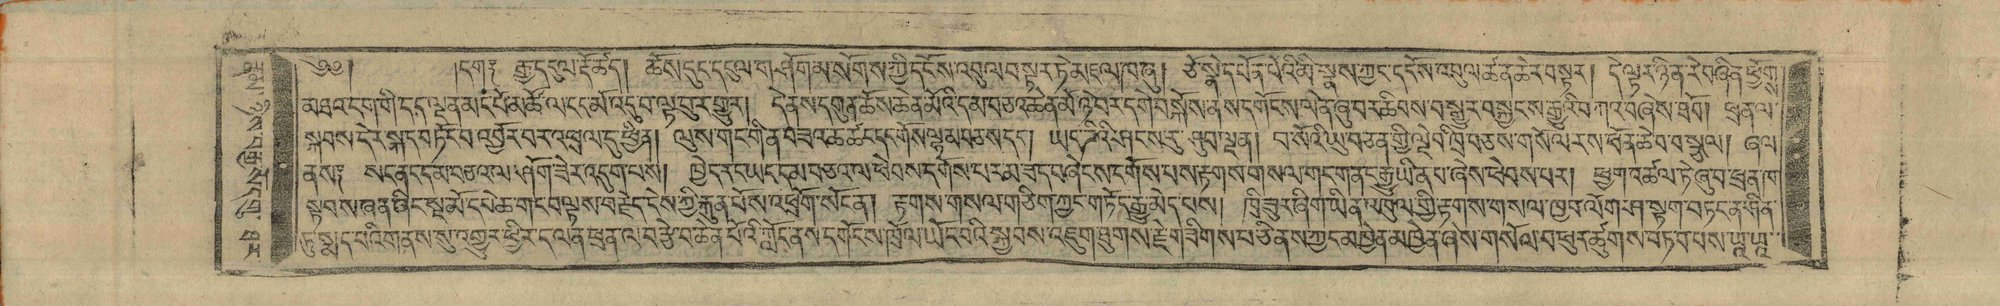༄༅། །དག ༑རྒྱ་དངུལ་རྡོ་ཚད། ཆོས་དུང་དངུལ་གཤོག་མ་སོགས་ཀྱི་དངོས་འབུལ་བསྟར་ཏེ་མཇལ་ཁ་ཞུ། ཅོ་སྣེ་དཔོན་པོའི་མི་སྣས་ཀྱང་དངོས་འབུལ་ཚན་ཆེར་བསྟར། དེ་ལྟར་ཉིན་རེ་བཞིན་ཕྱོགས་
མཐའ་དག་གི་དད་ལྡན་མང་པོ་མཚོ་ལ་ངང་མོ་འདུ་བ་ལྟ་བུར་གྱུར། དེ་ནས་དགུན་ཆོས་ཆེན་མོའི་དམ་བཅའ་ཆེན་མོ་ཉེ་བར་དགེ་བསྐོས་ནས་དགོངས་ལེན་ཞུ་བར་ཆིབས་བསྒྱུར་བསྐྱངས་རྒྱུའི་བཀའ་བཞེས་ཐོབ། ཕྲན་ལ་
སྐབས་དེར་སྐད་བཏོང་བ་འབྱོར་བར་འཕྲལ་དུ་ཕྱིན། ལུས་གང་གི་ན་བཟའ་ཆ་ཚང་དང་གོས་ལྷམ་བཅས་དང་། ཡང་ཌིའི་ཤངས་རུ་ཤུབ་ལྡན། བ་སོའི་ཡུ་བ་ཅན་གྱི་ལྡེབ་ཁྲི་བཅས་གསོལ་རས་ཕོན་ཆེ་བ་བསྩལ། ཞལ་
ནས༑ སང་ནང་དམ་བཅའ་ལ་ཤོག་ཟེར་འདུག་པས། ཁྱེད་རང་ཡང་དམ་བཅའ་ལ་ཕེབས་དགོས་པར་མ་ཟད་བཞེངས་དགོས་པས་རྟགས་གསལ་གང་གནང་རྒྱུ་ཡིན་པ་ཞེས་ཕེབས་པར། ཕྱག་འཚལ་ཏེ་ཞུ་བ་ཕྲན་ཁ་
སྟབས་ཞན་ཞིང་སྔ་མོ་དཔེ་ཆ་གང་བལྟས་བརྗེད་ངེས་ཀྱི་རྐུན་པོས་འཕྲོག་སོང་ན། རྟགས་གསལ་གཅིག་ཀྱང་གཏོང་རྒྱུ་མེད་པས། ཁྲི་ཟུར་ཞིག་ཡིན་འཁུལ་གྱི་རྟགས་གསལ་ཁྱབ་ལོག་ཤ་སྟག་བཏང་ན་ཤིན་
ཏུ་སྨད་པའི་གནས་སུ་འགྱུར་ཕྱིར་ད་ལན་ཕྲན་ལ་བརྩེ་བ་ཆེན་པོའི་ཀློང་ནས་དགོངས་ཁྲོལ་ཡོང་བའི་སྐྱབས་འཇུག་ཐུགས་རྗེ་གཟིགས་པ་ཅི་ནས་ཀྱང་མཁྱེན་མཁྱེན་ཞེས་གསོལ་བ་ཕུར་ཚུགས་བཏབ་པས་ཡཱ་ཡཱ་